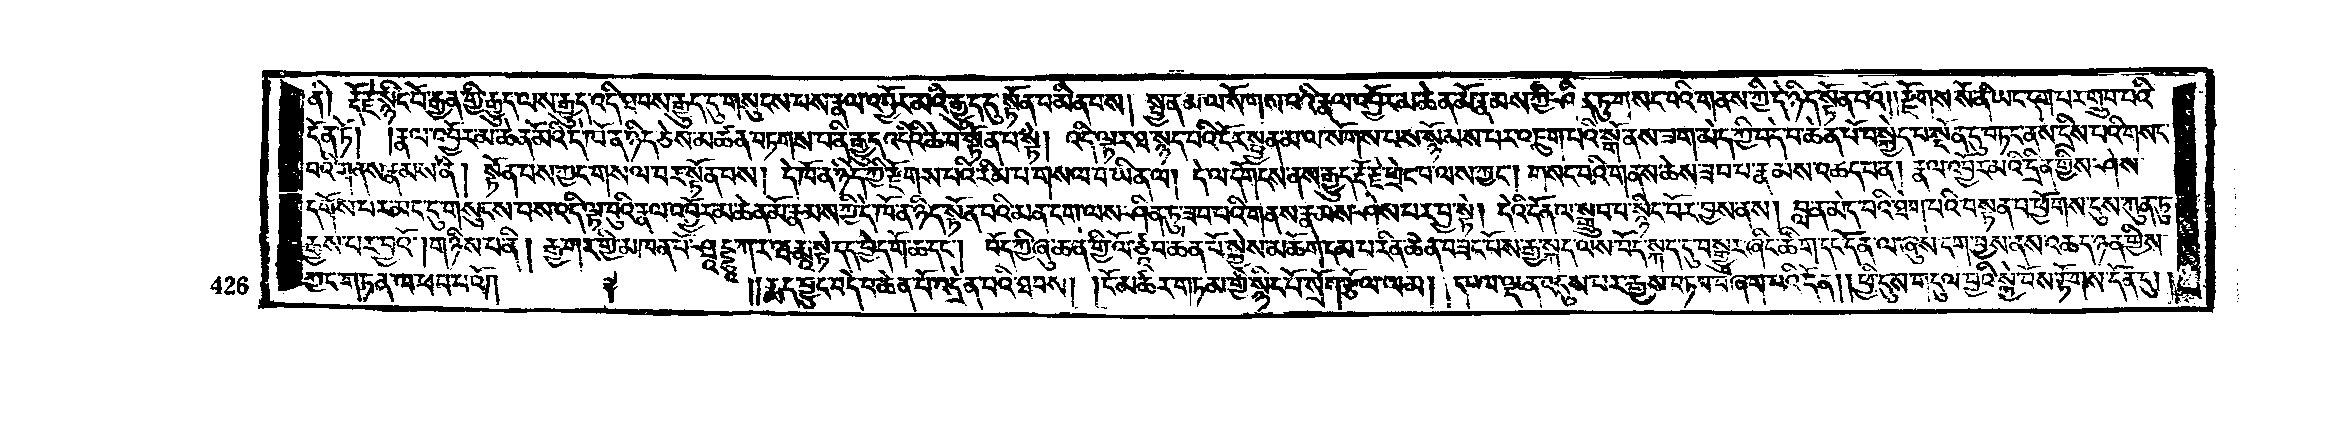ནི། རྡོ་རྗེ་སྙིང་པོ་རྒྱན་གྱི་རྒྱུད་ལས་རྒྱུད་འདི་ཐབས་རྒྱུད་དུ་གསུངས་པས་རྣལ་འབྱོར་མའི་རྒྱུད་དུ་སྟོན་པ་མིན་པས། སྤྱན་མ་ལ་སོགས་པའི་རྣལ་འབྱོར་མ་ཆེན་མོ་རྣམས་ཀྱི་ཤིན་ཏུ་གསང་བའི་གནས་ཀྱི་དེ་ཉིད་སྟོན་པའོ། །རྫོགས་སོ་ནི་ཡང་དག་པར་གྲུབ་པའི་
དོན་ཏོ། །རྣལ་འབྱོར་མ་ཆེན་མོའི་དེ་ཁོ་ན་ཉིད་ཅེས་མཚན་བཏགས་པ་ནི་རྒྱུད་འདིའི་ཆེ་བ་སྟོན་པ་སྟེ། འདི་ལྟར་ཐ་སྙད་པའི་ངོར་སྤྱན་མ་ལ་སོགས་པས་སྙོམས་པར་འཇུག་པའི་སྒོ་ནས་ཟག་མེད་ཀྱི་བདེ་བ་ཆེན་པོ་བསྐྱེད་པ་སྔོན་དུ་བཏང་ནས་དྲིས་པའི་གསང་
བའི་གནས་རྣམས་ནི། སྟོན་པས་ཀྱང་གསལ་བར་སྟོན་པས། དེ་ཁོ་ན་ཉིད་ཀྱི་རྫོགས་པའི་རིམ་པ་གསལ་བ་ཡིན་ལ། དེ་ལ་དགོངས་ནས་རྒྱུད་རྡོ་རྗེ་ཕྲེང་བ་ལས་ཀྱང་། གསང་བའི་གནས་ཆེས་ཟབ་པ་རྣམས་འཆད་པ་ན། རྣལ་འབྱོར་མའི་དྲིན་གྱིས་ཤེས་
དགོས་པར་མང་དུ་གསུངས་པས་འདི་ལྟ་བུའི་རྣལ་འབྱོར་མ་ཆེན་མོ་རྣམས་ཀྱི་དེ་ཁོ་ན་ཉིད་སྟོན་པའི་མན་ངག་ལས་ཤིན་ཏུ་ཟབ་པའི་གནས་རྣམས་ཤེས་པར་བྱ་སྟེ། དེའི་དོན་ལ་སྒྲུབ་པ་སྙིང་པོར་བྱས་ནས། བླ་ན་མེད་པའི་ཐེག་པའི་བསྟན་པ་ཕྱོགས་དུས་ཀུན་ཏུ་
རྒྱས་པར་བྱའོ། །གཉིས་པ་ནི། རྒྱ་གར་གྱི་མཁན་པོ་ཤྲཱ་དྡྷཱ་ཀ་ར་ཝརྨཱ་སྟེ་དད་བྱེད་གོ་ཆ་དང་། བོད་ཀྱི་ཞུ་ཆན་གྱི་ལོ་ཙཱ་བ་ཆེན་པོ་སྐྱེས་མཆོག་དམ་པ་རིན་ཆེན་བཟང་པོས་རྒྱ་སྐད་ལས་བོད་སྐད་དུ་བསྒྱུར་ཞིང་ཚིག་དང་དོན་ལ་ཞུས་དག་བྱས་ནས་འཆད་ཉན་གྱིས་
ཀྱང་གཏན་ལ་ཕབ་པའོ།། ༈ །།རྨད་བྱུང་བདེ་བ་ཆེན་པོ་འདྲེན་པའི་ཐབས། །ངོ་མཚར་གཏམ་གྱི་སྙིང་པོ་སྲོག་རྩོལ་ལམ། །དཔལ་ལྡན་འདུས་པར་རྒྱས་བཏབ་བཞག་པའི་དོན། །ཕྱི་དུས་གདུལ་བྱའི་སྐྱེ་བོས་རྟོགས་དོན་དུ། །